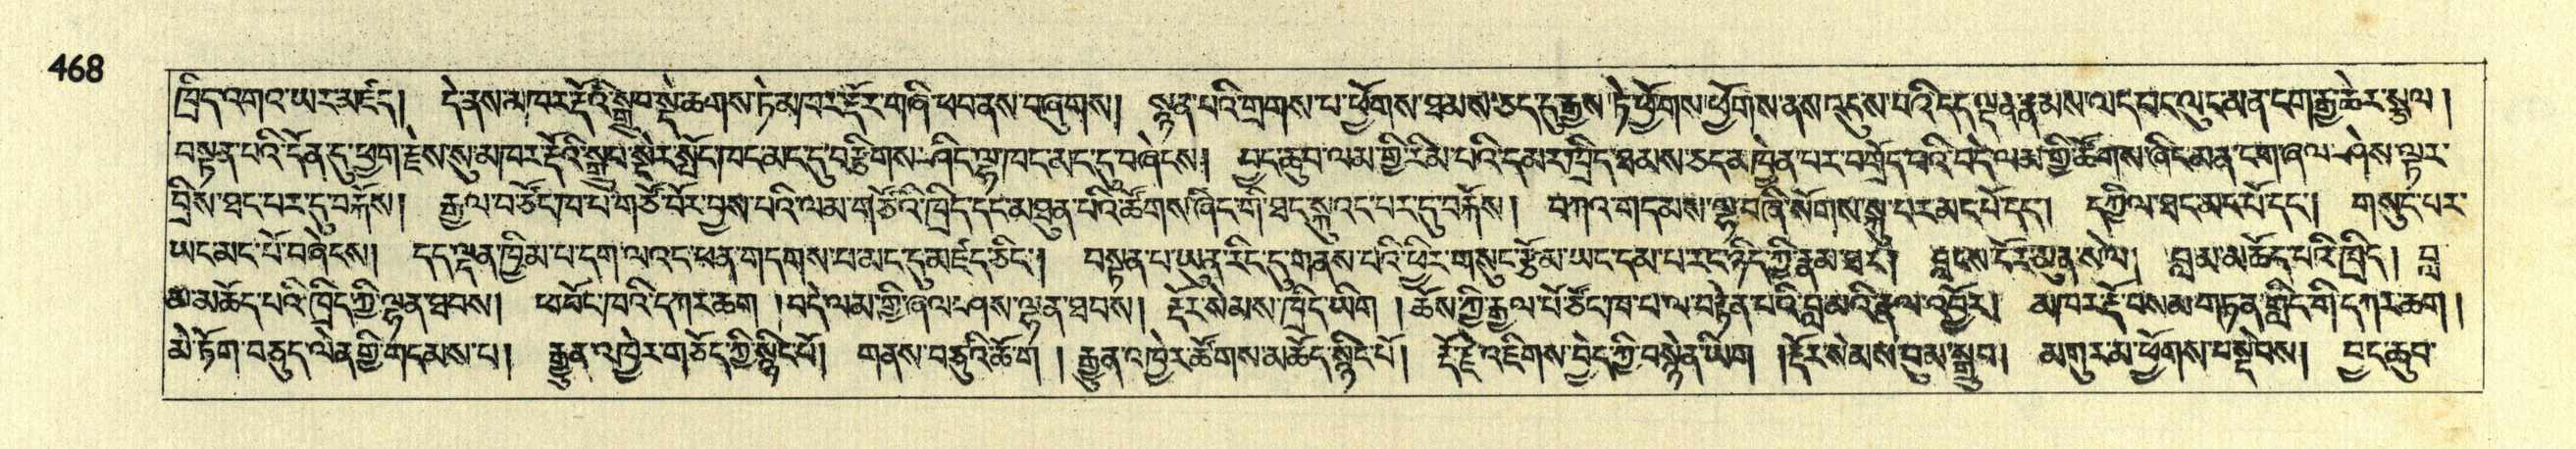ཁྲིད་འགའ་ཡར་མཛད། དེ་ནས་མཁར་རྡོའི་སྒྲུབ་སྡེ་ཆགས་ཏེ་མཁར་རྡོར་གཞི་ཕབ་ནས་བཞུགས། སྙན་པའི་གྲགས་པ་ཕྱོགས་ཐམས་ཅད་དུ་རྒྱས་ཏེ་ཕྱོགས་ཕྱོགས་ནས་འདུས་པའི་དད་ལྡན་རྣམས་ལ་དབང་ལུང་མན་ངག་རྒྱ་ཆེར་སྩལ།
བསྟན་པའི་དོན་དུ་ཕྱག་རྗེས་སུ་མཁར་རྡོའི་སྒྲུབ་སྡེར་སྤོང་ཁང་མང་དུ་བརྩིགས་ཤིང་ལྷ་ཁང་མང་དུ་བཞེངས། བྱང་ཆུབ་ལམ་གྱི་རིམ་པའི་དམར་ཁྲིད་ཐམས་ཅད་མཁྱེན་པར་བགྲོད་པའི་བདེ་ལམ་གྱི་ཚོགས་ཞིང་མན་ངག་ཞལ་ཤེས་ལྟར་
བྲིས་ཐང་པར་དུ་བརྐོས། རྒྱལ་བ་ཙོང་ཁ་པ་གཙོ་བོར་བྱས་པའི་ལམ་གཙོའི་ཁྲིད་དང་མཐུན་པའི་ཚོགས་ཞིང་གི་ཐང་སྐུའང་པར་དུ་བརྐོས། བཀའ་གདམས་ལྷ་བཞི་སོགས་སྐུ་པར་མང་པོ་དང་། དཀྱིལ་ཐང་མང་པོ་དང་། གསུང་པར་
ཡང་མང་པོ་བཞེངས། དད་ལྡན་ཁྱིམ་པ་དག་ལའང་ཕན་གདགས་པ་མང་དུ་མཛད་ཅིང་། བསྟན་པ་ཡུན་རིང་དུ་གནས་པའི་ཕྱིར་གསུང་རྩོམ་ཡང་དམ་པ་རང་ཉིད་ཀྱི་རྣམ་ཐར། བླངས་དོར་མུན་སེལ། བླ་མ་མཆོད་པའི་ཁྲིད། བླ་
མ་མཆོད་པའི་ཁྲིད་ཀྱི་ལྷན་ཐབས། ཕ་བོང་ཁའི་དཀར་ཆག །བདེ་ལམ་གྱི་ཞལ་ཤས་ལྷན་ཐབས། རྡོར་སེམས་ཁྲིད་ཡིག །ཆོས་ཀྱི་རྒྱལ་པོ་ཙོང་ཁ་པ་ལ་བརྟེན་པའི་བླ་མའི་རྣལ་འབྱོར། མཁར་རྡོ་བསམ་གཏན་གླིང་གི་དཀར་ཆག།
མེ་ཏོག་བཅུད་ལེན་གྱི་གདམས་པ། རྒྱུན་འཁྱེར་གཅོད་ཀྱི་སྙིང་པོ། གནས་བཅུའི་ཆོ་ག། རྒྱུན་འཁྱེར་ཚོགས་མཆོད་སྙིང་པོ། རྡོ་རྗེ་འཇིགས་བྱེད་ཀྱི་བསྙེན་ཡིག །རྡོར་སེམས་བུམ་སྒྲུབ། མགུར་མ་ཕྱོགས་བསྡེབས། བྱང་ཆུབ་